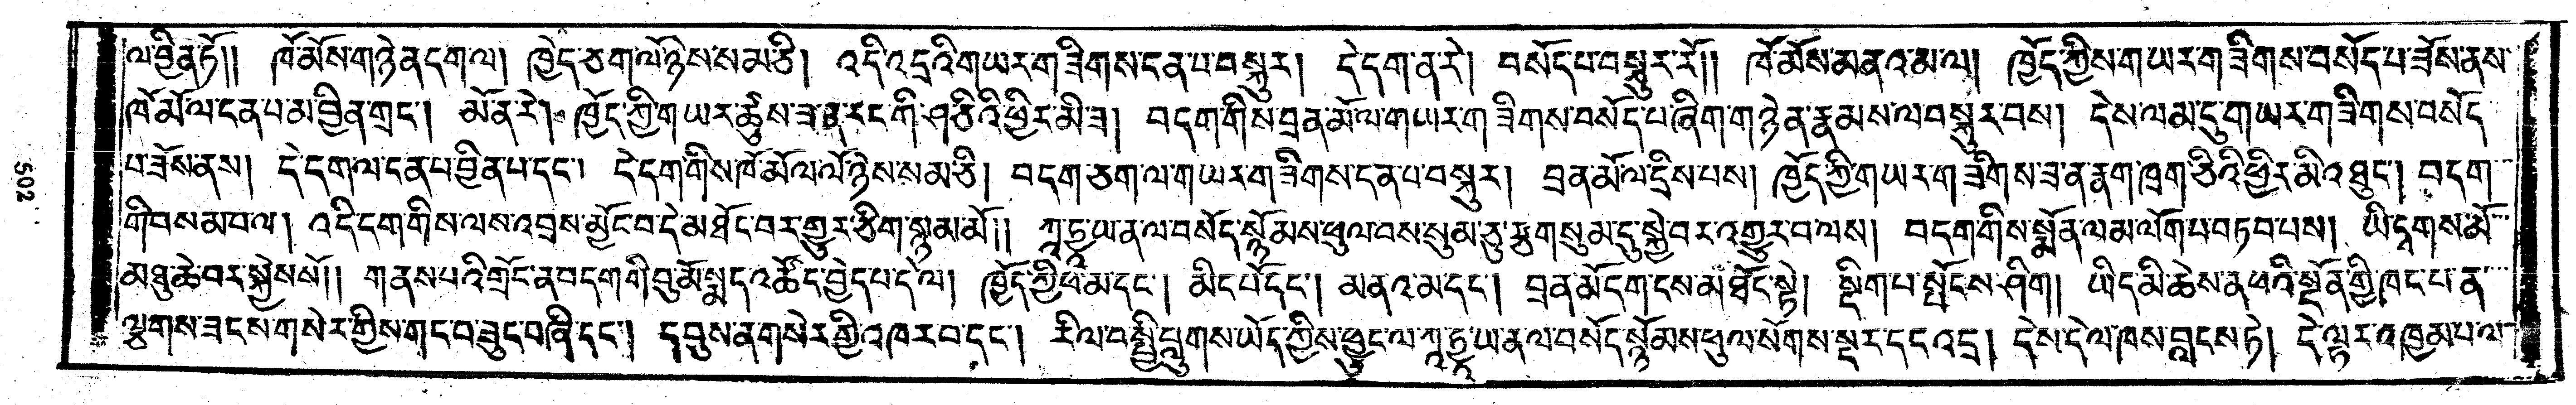ལ་བྱིན་ཏོ།། ཁོ་མོས་གཉེན་དག་ལ། ཁྱེད་ཅག་ལོ་ཉེས་སམ་ཅི། འདི་འདྲའི་གཡར་གཟིགས་ངན་པ་བསྐུར། དེ་དག་ན་རེ། བསོད་པ་བསྐུར་རོ།། ཁོ་མོས་མནའ་མ་ལ། ཁྱོད་ཀྱིས་གཡར་གཟིགས་བསོད་པ་ཟོས་ནས་
ཁོ་མོ་ལ་ངན་པ་མ་བྱིན་གྲང་། མོ་ན་རེ། ཁྱོད་ཀྱི་གཡར་ཚུས་ཟན་རང་གི་ཤ་ཅིའི་ཕྱིར་མི་ཟ། བདག་གིས་བྲན་མོ་ལ་གཡར་གཟིགས་བསོད་པ་ཞིག་གཉེན་རྣམས་ལ་བསྐུར་བས། དེས་ལམ་དུ་གཡར་གཟིགས་བསོད་
པ་ཟོས་ནས། དེ་དག་ལ་ངན་པ་བྱིན་པ་དང་། དེ་དག་གིས་ཁོ་མོལ་ལོ་ཉེས་སམ་ཅི། བདག་ཅག་ལ་གཡར་གཟིགས་ངན་པ་བསྐུར། བྲན་མོ་ལ་དྲིས་པས། ཁྱོད་ཀྱི་གཡར་གཟིགས་ཟ་ན་རྣག་ཁྲག་ཅིའི་ཕྱིར་མི་འཐུང་། བདག་
གི་བསམ་པ་ལ། འདི་དག་གིས་ལས་འབྲས་མྱོང་བ་དེ་མཐོང་བར་གྱུར་ཅིག་སྙམ་མོ།། ཀཱ་ཏྱཱ་ཡ་ན་ལ་བསོད་སྙོམས་ཕུལ་བས་སུམ་ཅུ་རྩ་གསུམ་དུ་སྐྱེ་བར་འགྱུར་བ་ལས། བདག་གིས་སྨོན་ལམ་ལོག་པ་བཏབ་པས། ཡི་དྭགས་མོ་
མཐུ་ཆེ་བར་སྐྱེས་སོ།། གནས་པའི་གྲོང་ན་བདག་གི་བུ་མོ་སྨད་འཚོང་བྱེད་པ་དེ་ལ། ཁྱོད་ཀྱི་ཕ་མ་དང་། མིང་པོ་དང་། མནའ་མ་དང་། བྲན་མོ་དག་ངས་མཐོང་སྟེ། སྡིག་པ་སྤོངས་ཤིག། ཡིད་མི་ཆེས་ན་ཕའི་སྔོན་གྱི་ཁང་པ་ན་
ལྕགས་ཟངས་གསེར་གྱིས་གང་བ་ཟུང་བཞི་དང་། དབུས་ན་གསེར་གྱི་འཁར་བ་དང་། རིལ་བ་སྤྱི་བླུགས་ཡོད་ཀྱིས་ཕྱུང་ལ་ཀཱ་ཏྱཱ་ཡ་ན་ལ་བསོད་སྙོམས་ཕུལ་སོགས་སྔར་དང་འདྲ། དེས་དེ་ལ་ཁས་བླངས་ཏེ། དེ་ལྟར་འཁྱམ་པ་ལ་